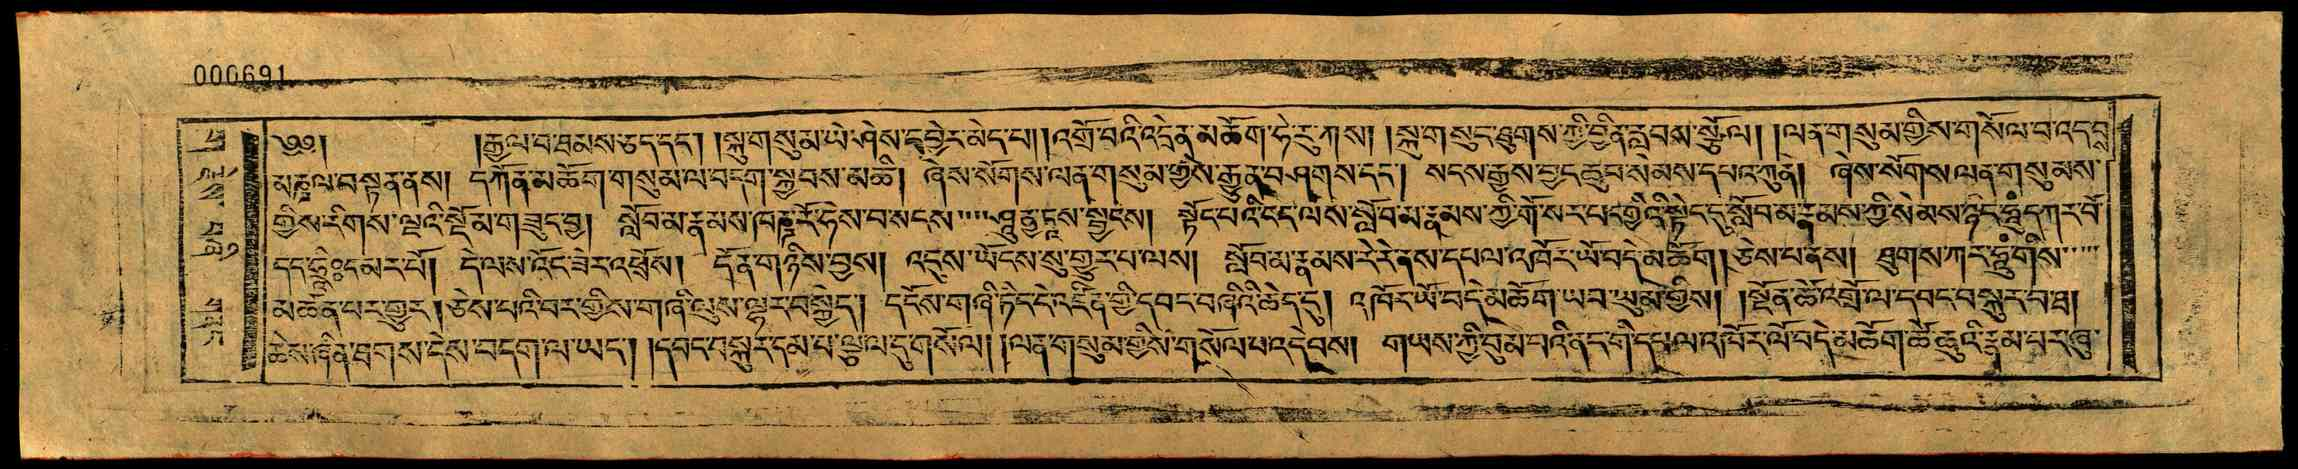༄༅། །རྒྱལ་བ་ཐམས་ཅད་དང་། །སྐུ་གསུམ་ཡེ་ཤེས་དབྱེར་མེད་པ། །འགྲོ་བའི་འདྲེན་མཆོག་ཧེ་རུ་ཀས། །སྐུ་གསུང་ཐུགས་ཀྱི་བྱིན་རླབས་སྩོལ། །ལན་གསུམ་གྱིས་གསོལ་བ་འདེབས་
མཎྜལ་བསྟན་ནས། དཀོན་མཆོག་གསུམ་ལ་བདག་སྐྱབས་མཆི། ཞེས་སོགས་ལན་གསུམ་གྱིས་རྒྱུན་བཤགས་དང་། སངས་རྒྱས་བྱང་ཆུབ་སེམས་དཔའ་ཀུན། ཞེས་སོགས་ལན་གསུམ་
གྱིས་རིགས་ལྔའི་སྡོམ་གཟུང་བྱ། སློབ་མ་རྣམས་ཁཎྜ་རོ་ཧིས་བསངས། ཤཱུ་ནྱ་ཏཱས་སྦྱངས། སྟོང་པའི་དང་ལས་སློབ་མ་རྣམས་ཀྱི་གོ་སར་པད་ཉིའི་སྟེང་དུ་སློབ་མ་རྣམས་ཀྱི་སེམས་ཉིད་ཧཱུཾ་དཀར་པོ་
དང་ཧྲཱིཿ དམར་པོ། དེ་ལས་འོད་ཟེར་འཕྲོས། དོན་གཉིས་བྱས། འདུས་ཡོངས་སུ་གྱུར་པ་ལས། སློབ་མ་རྣམས་རེ་རེ་ནས་དཔལ་འཁོར་ལོ་བདེ་མཆོག །ཅེས་པ་ནས། ཐུགས་ཀར་ཧཱུཾ་གིས་
མཚན་པར་གྱུར། ཅེས་པའི་བར་གྱིས་གཞི་ལུས་ལྷར་བསྐྱེད། དངོས་གཞི་ཏིང་ངེ་འཛིན་གྱི་དབང་བཞིའི་ཆེད་དུ། འཁོར་ལོ་བདེ་མཆོག་ཡབ་ཡུམ་གྱིས། །སྔོན་ཚེ་འགྲོ་ལ་དབང་བསྐུར་བ།
དེ་བཞིན་ཐུགས་རྗེས་བདག་ལ་ཡང་། །དབང་བསྐུར་དམ་པ་སྩལ་དུ་གསོལ། །ལན་གསུམ་གྱིས་གསོལ་བ་འདེབས། གཡས་ཀྱི་བུམ་པའི་ནང་གི་དཔལ་འཁོར་ལོ་བདེ་མཆོག་ཚེ་ཆུའི་རྣམ་པར་ཞུ་